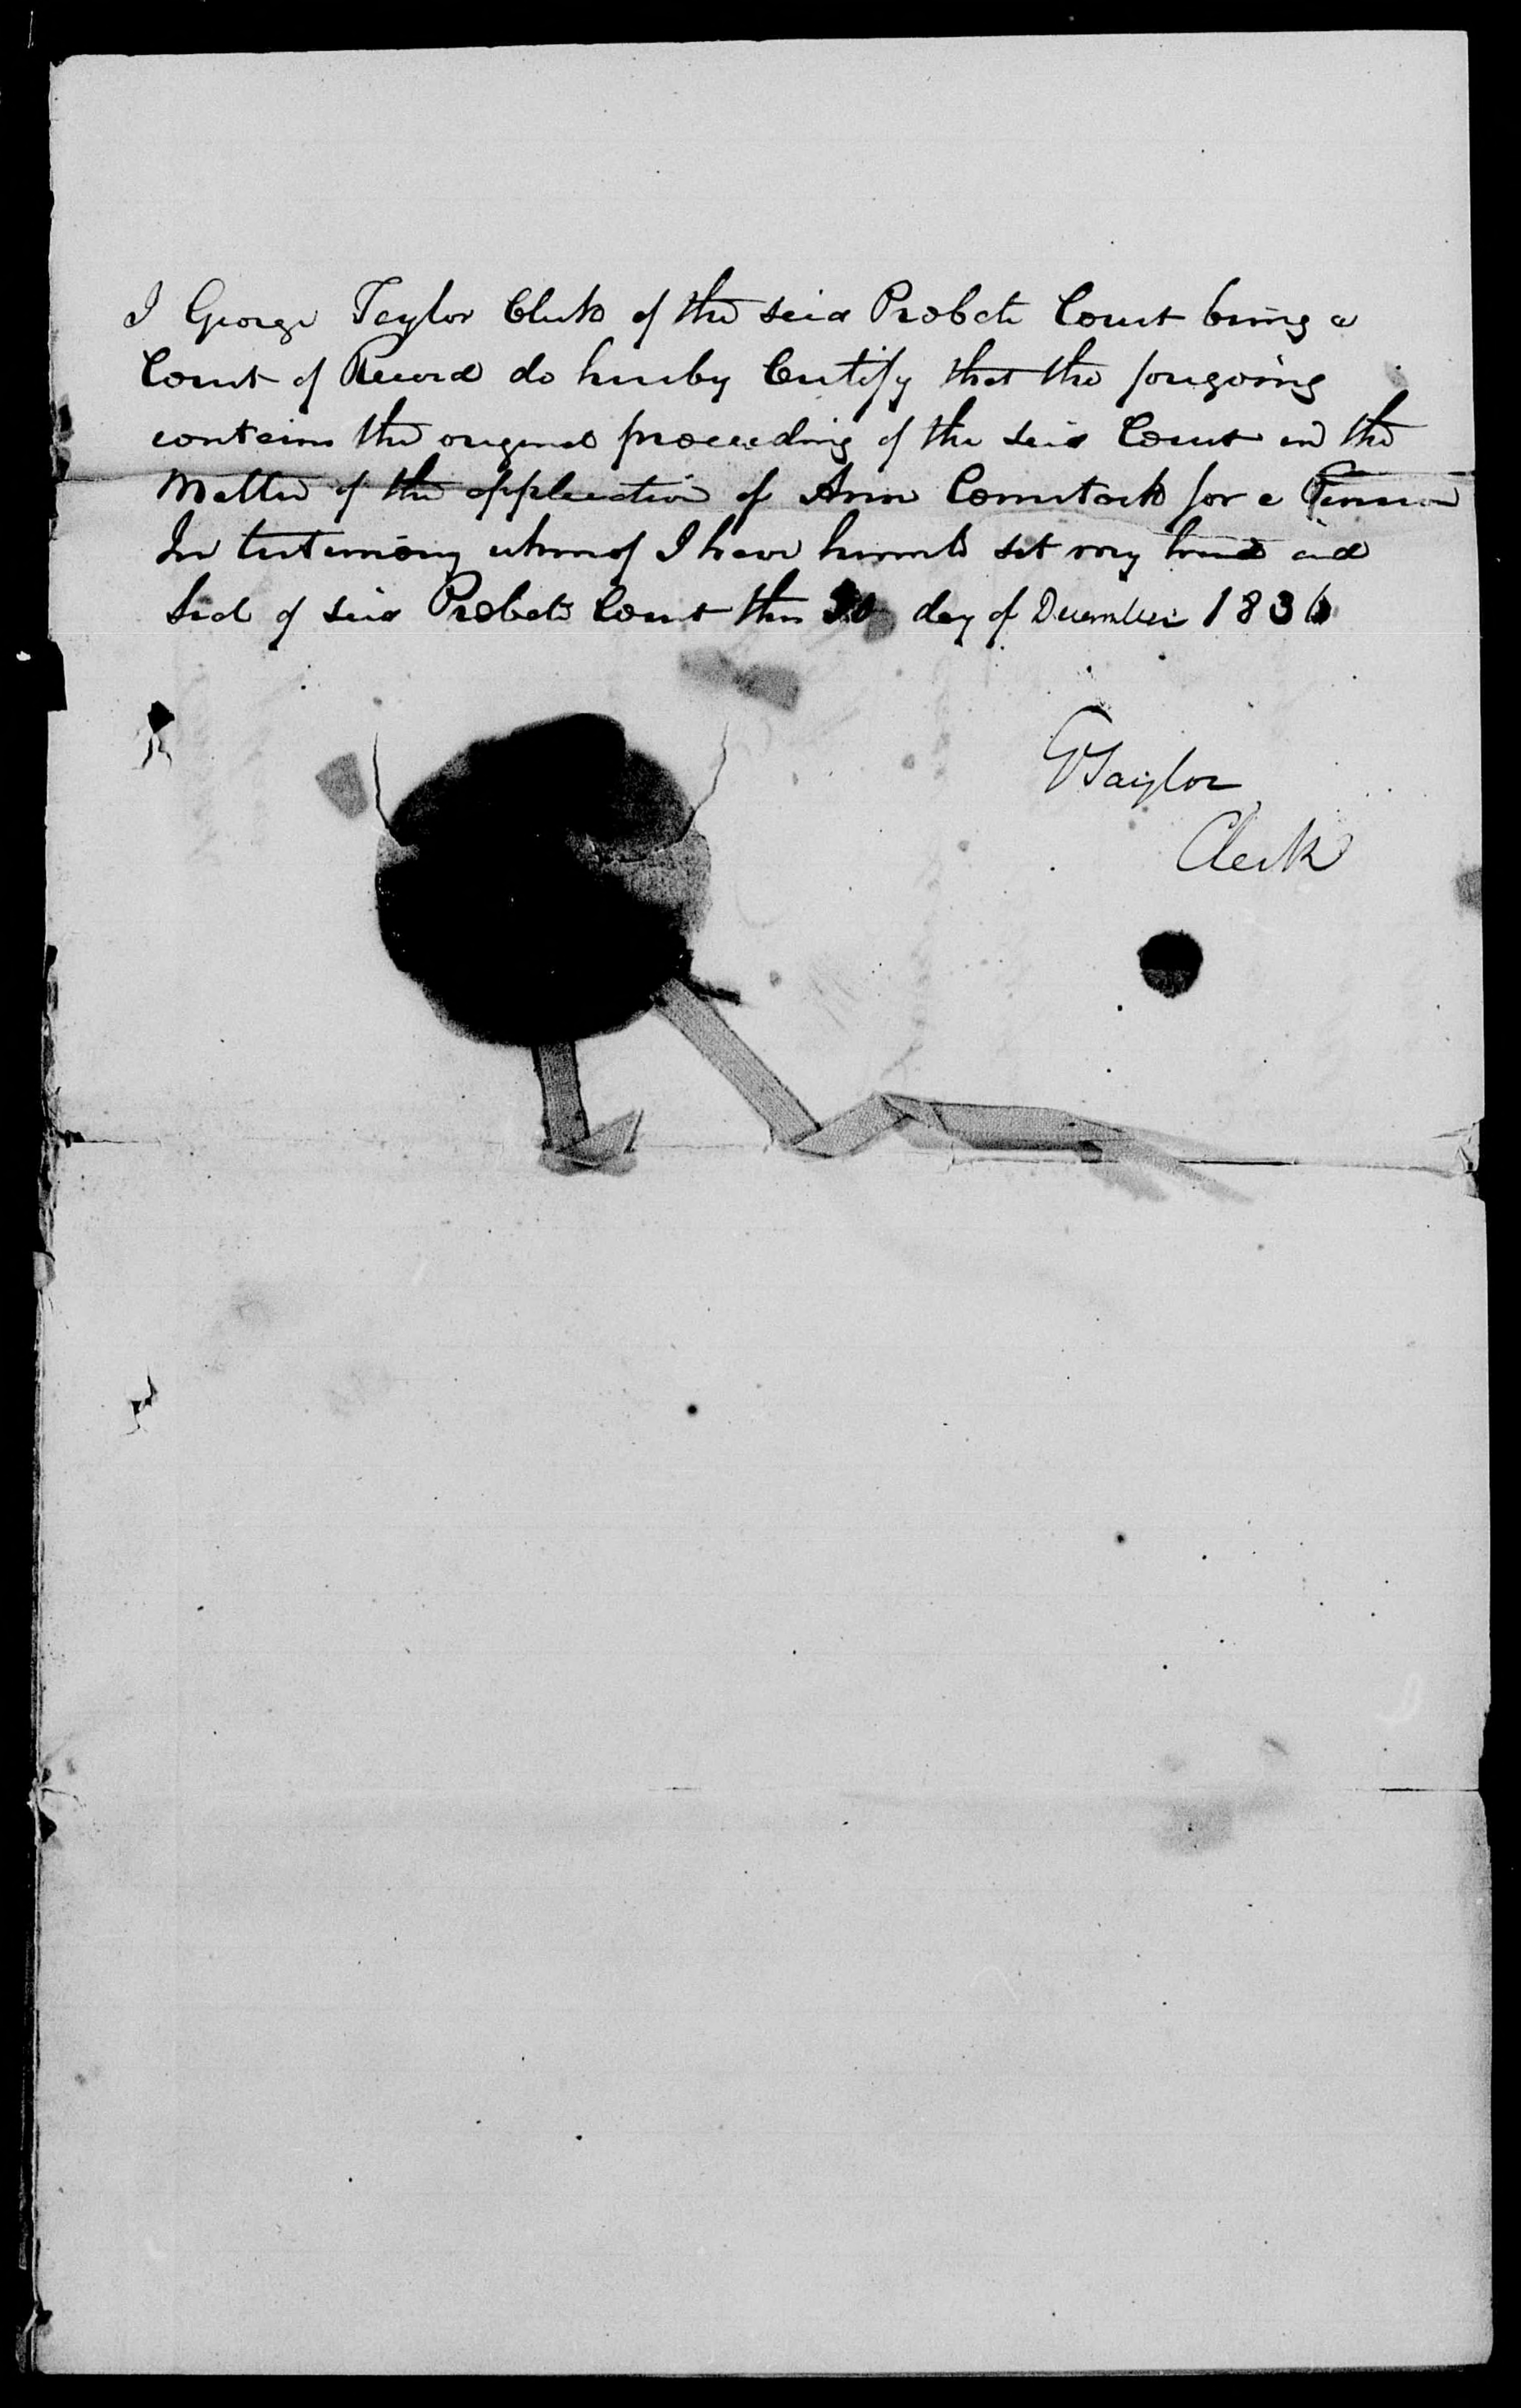I George Taylor Clerk of the said Probate Court being a Court of Record do hereby Certify that the foregoing contains the original proceeding of the said Court in the Matter of the application of Ann Comstock for a Pension
In testimony whereof I have hereunto set my hand and seal of said Probate Court the 20 day of December 1836

G Taylor
Clerk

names: Ann Comstock, G Taylor, George Taylor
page: 10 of 43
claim: widow's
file: W. 17,647, Aaron Comstock, Conn.